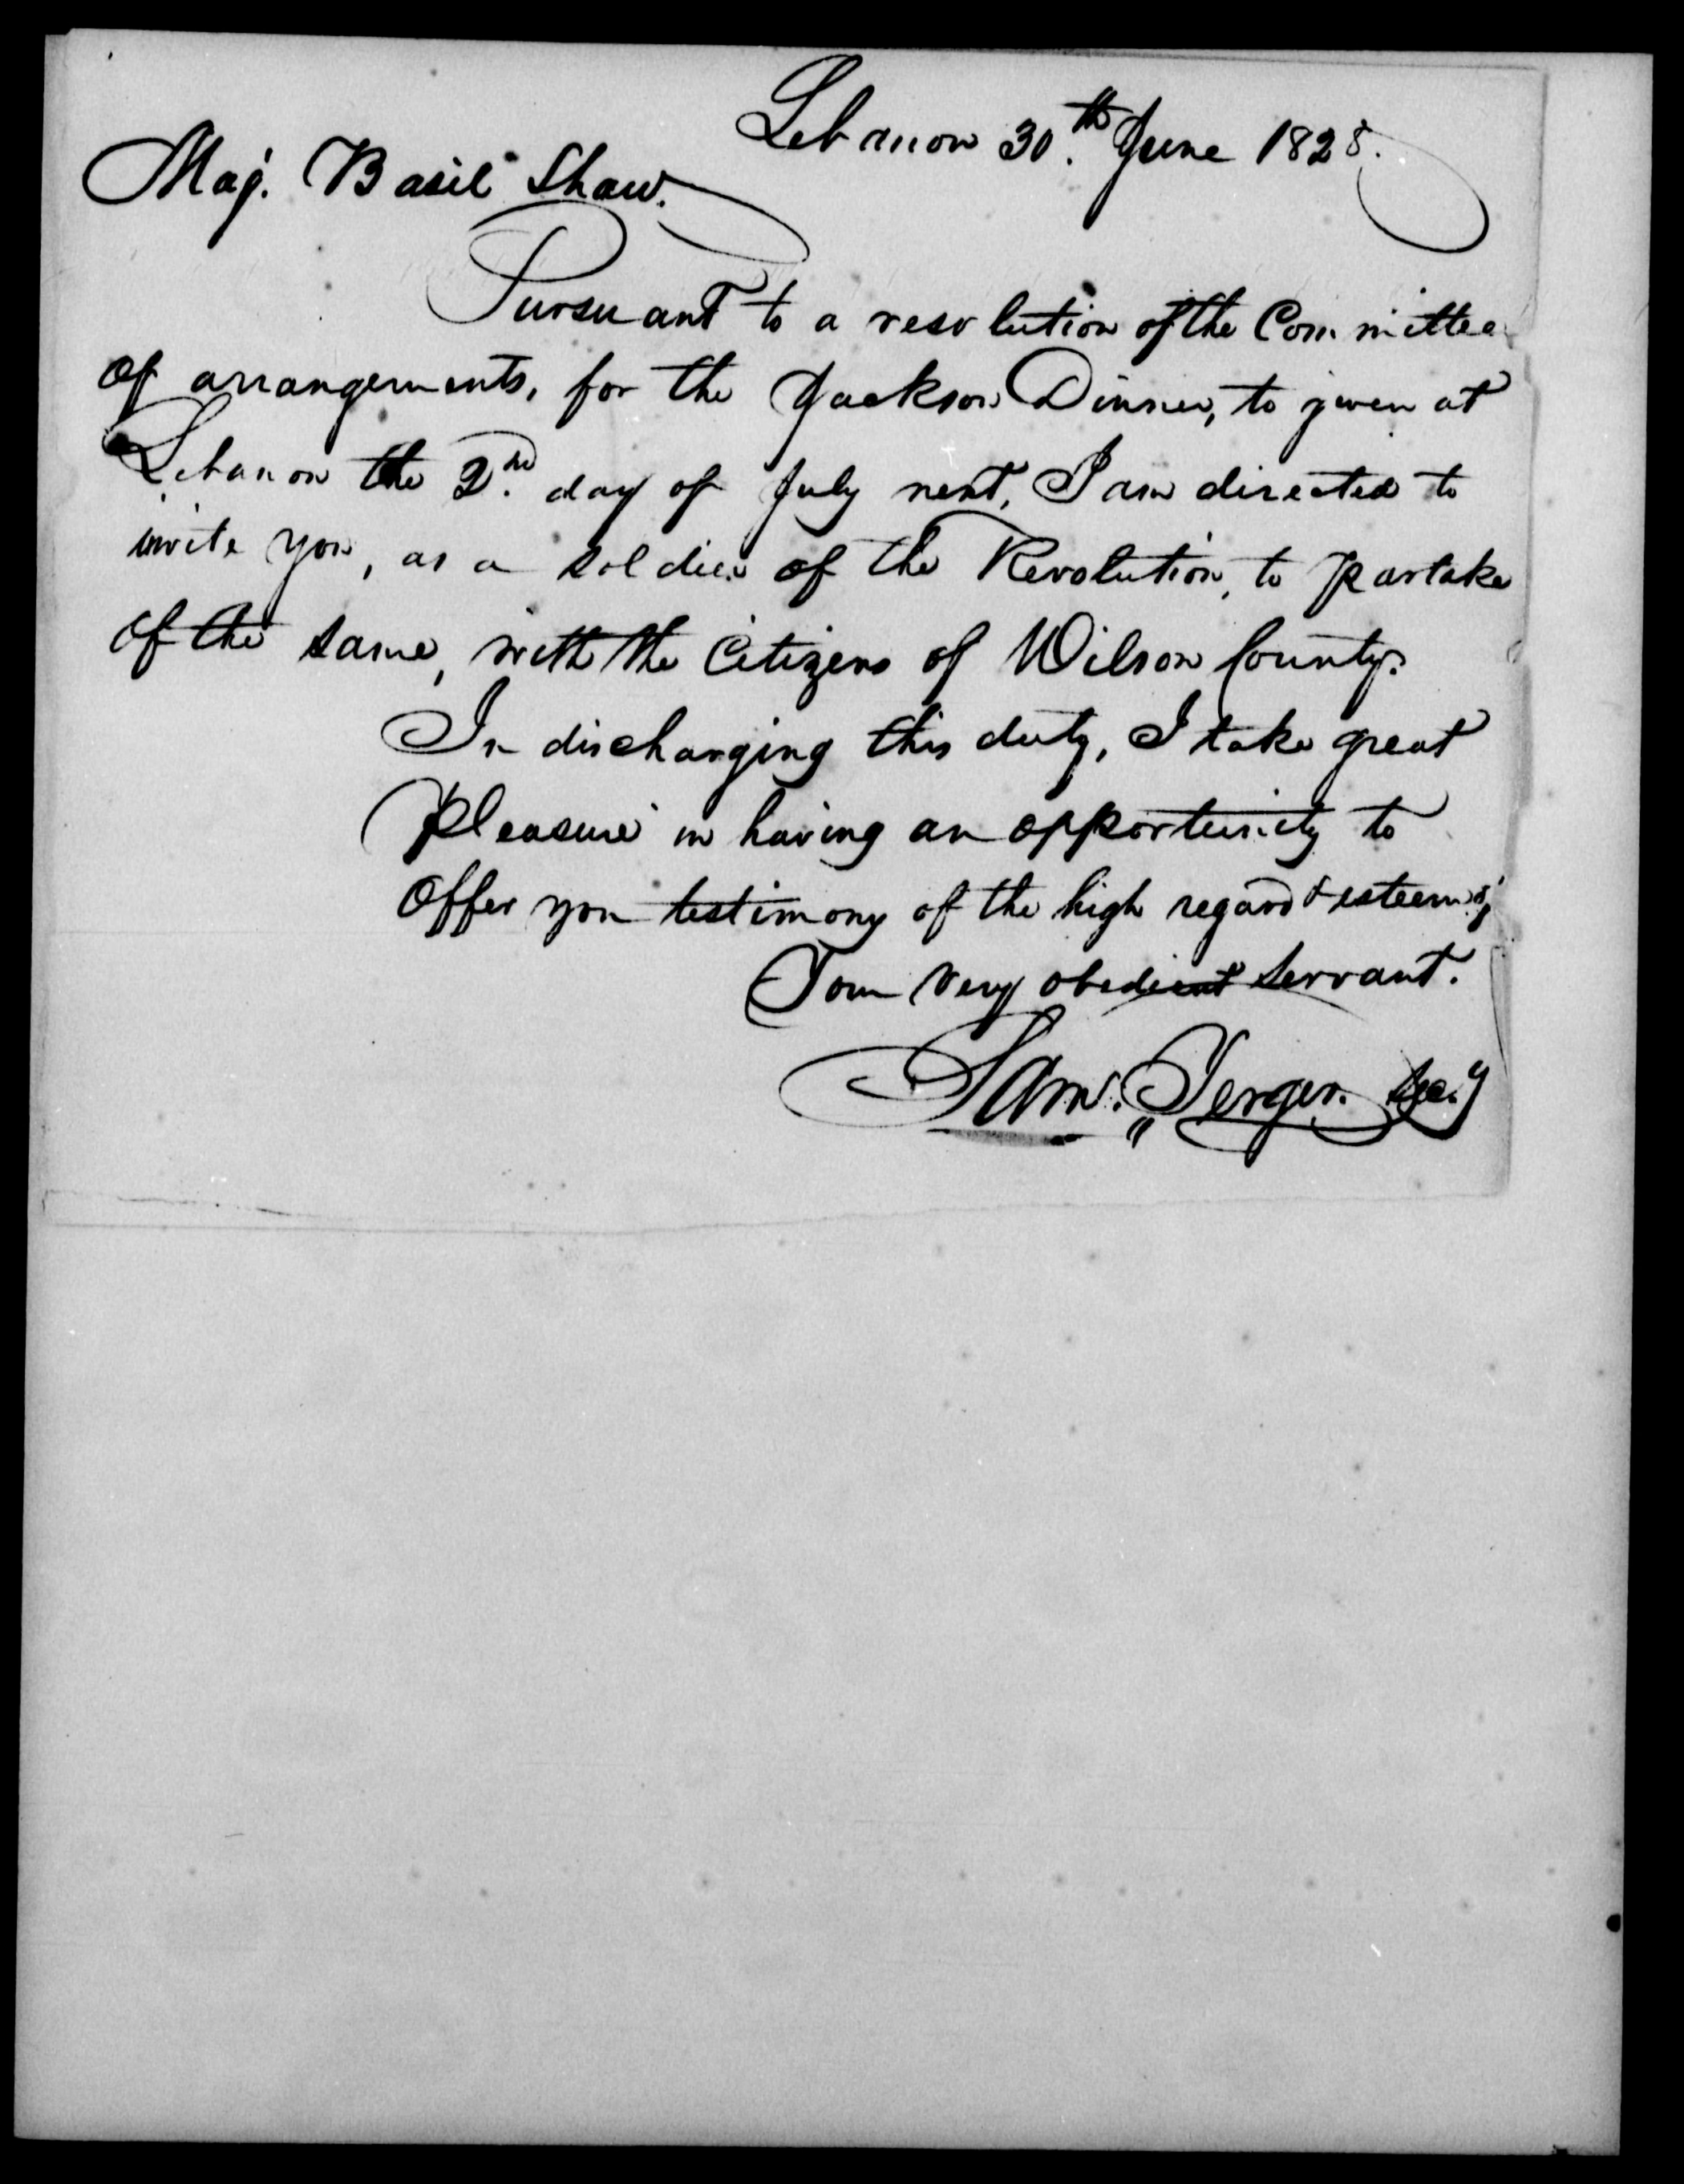Lebanon 30th June 1828.
Maj. Basil Shaw.
Pursuant to a resolution of the Committee
of arrangements, for the Jackson Dinner, to given at
Lebanon the 2nd day of July next. I am directed to
invite you, as a soldier of the Revolution, to partake
of the same, with the citizens of Wilson County.
In discharging this duty, I take great
pleasure in having an opportunity to
offer you testimony of the high regard and esteem of
Your very obedient servant.
Sam'l Yerger Sec'y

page: 15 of 32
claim: survivor's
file: S. 16,526, for Basil Shaw, Maryland